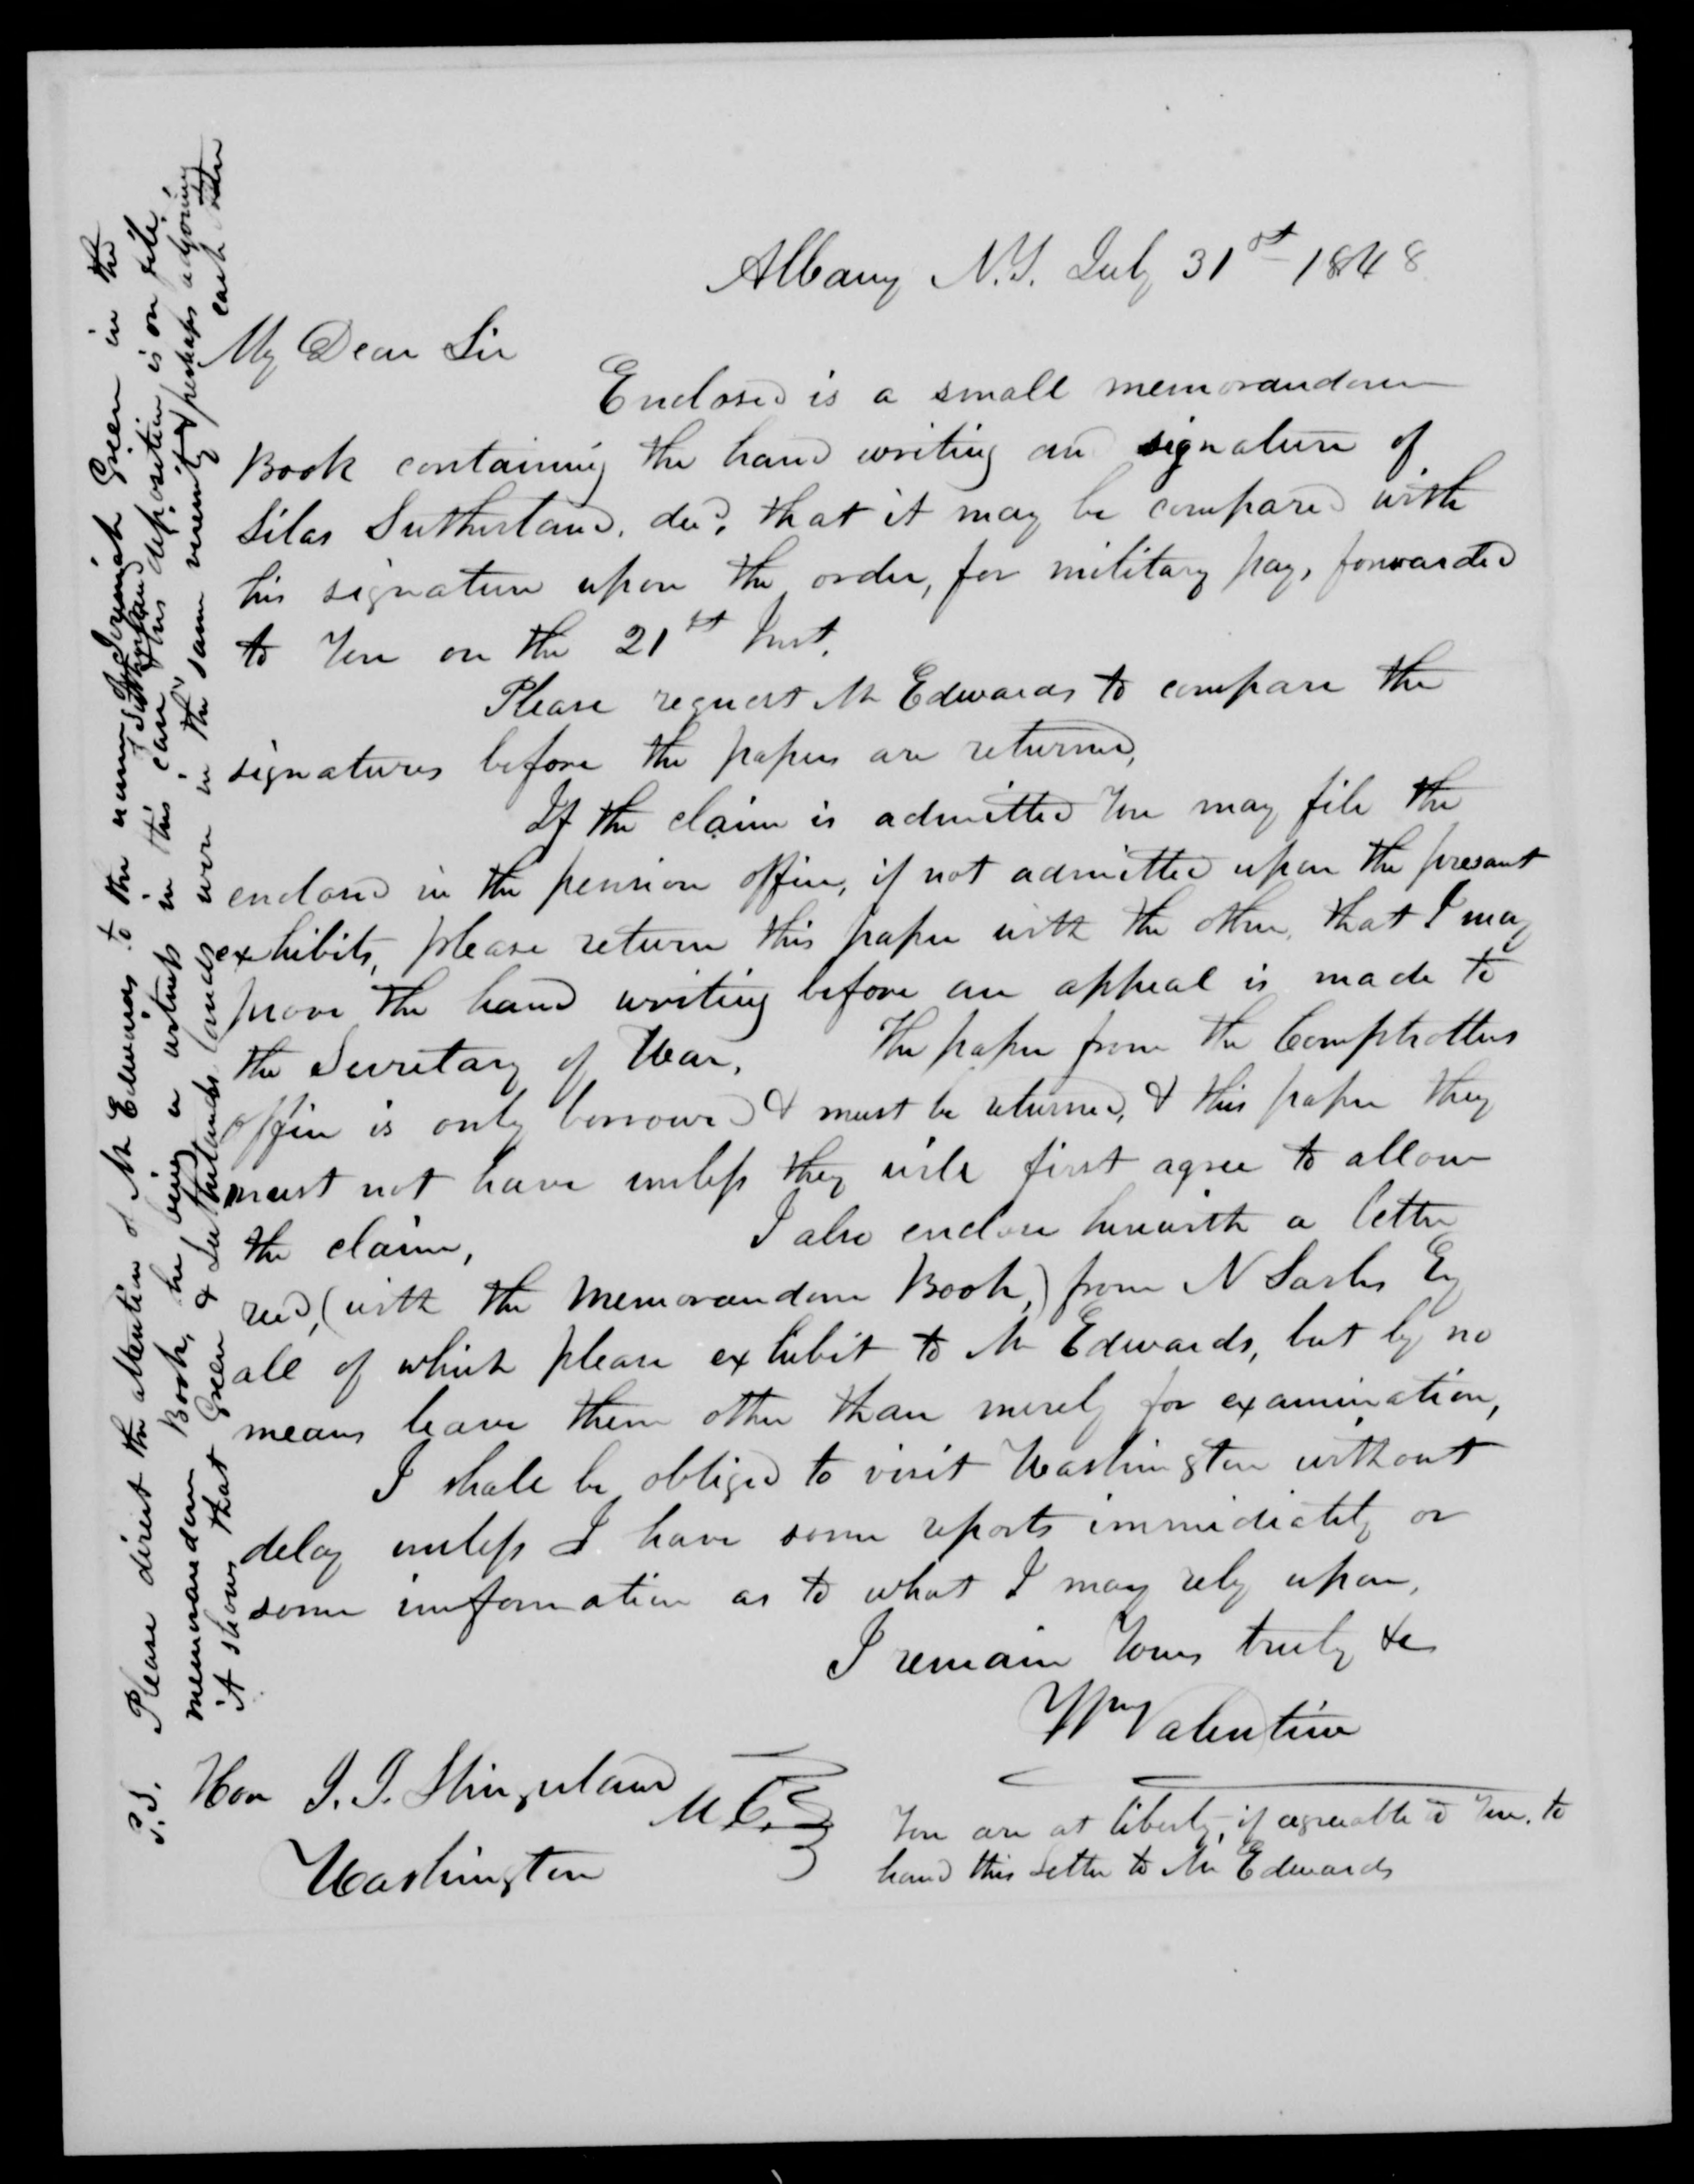Albany N.Y. July 31st 1848
My Dear Sir
  enclosed is a small memorandum Book containing the hand writing and signature of Silas Sutherland, decd, that it may be compared with his signature upon the order, for military pay, forwarded to you on the 21st Inst.
  Please request Mr Edwards to compare the signatures before the papers are returned.
  If the claim is admitted you may file the enclosed in the pension office, if not admitted upon the present exhibits, please return this paper with the other that I may from the hand writing before an appeal is made to the Secretary of War.  The paper from the Comptrollers Office is only borrowed & must be returned & this paper they must not have unless they will first agree to allow the claim,   I also enclose herewith a letter recd (with the memorandum Book) from N  Sarles Esq all of which please exhibit to Mr. Edwards, but by no means have them other than merely for examination.
  I shall be obliged to visit Washington without delay unless I have some re ports immediately or some information as to what I may rely upon.
  I remain Yours truly &c
  Wm Valentine
You are at liberty, if agreeable to you to hand this letter to Mr Edwards
Hon J.J. Slingerland M.C.
Washington
[on side]
P.S. Please direct the attention of Mr Edwards to the name of Jeremiah Green in the Memorandum Book, he being a interest in this case of Sutherland his deposition is on file A shows that Green & Sutherland were in the same vicinity perhaps adjoining each other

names: [BLANK] Gren; Wm Valentine; Jeremiah Gren; N Sarles; [BLANK] Edwards; [BLANK] Edwards; [BLANK] Edwards; [BLANK] Edwards; [BLANK] Sutherland; J J Slingerland; Silas Sutherland; [BLANK] Sutherland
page: 61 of 77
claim: survivor's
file: S. 23003, for Silas Southerland, New York